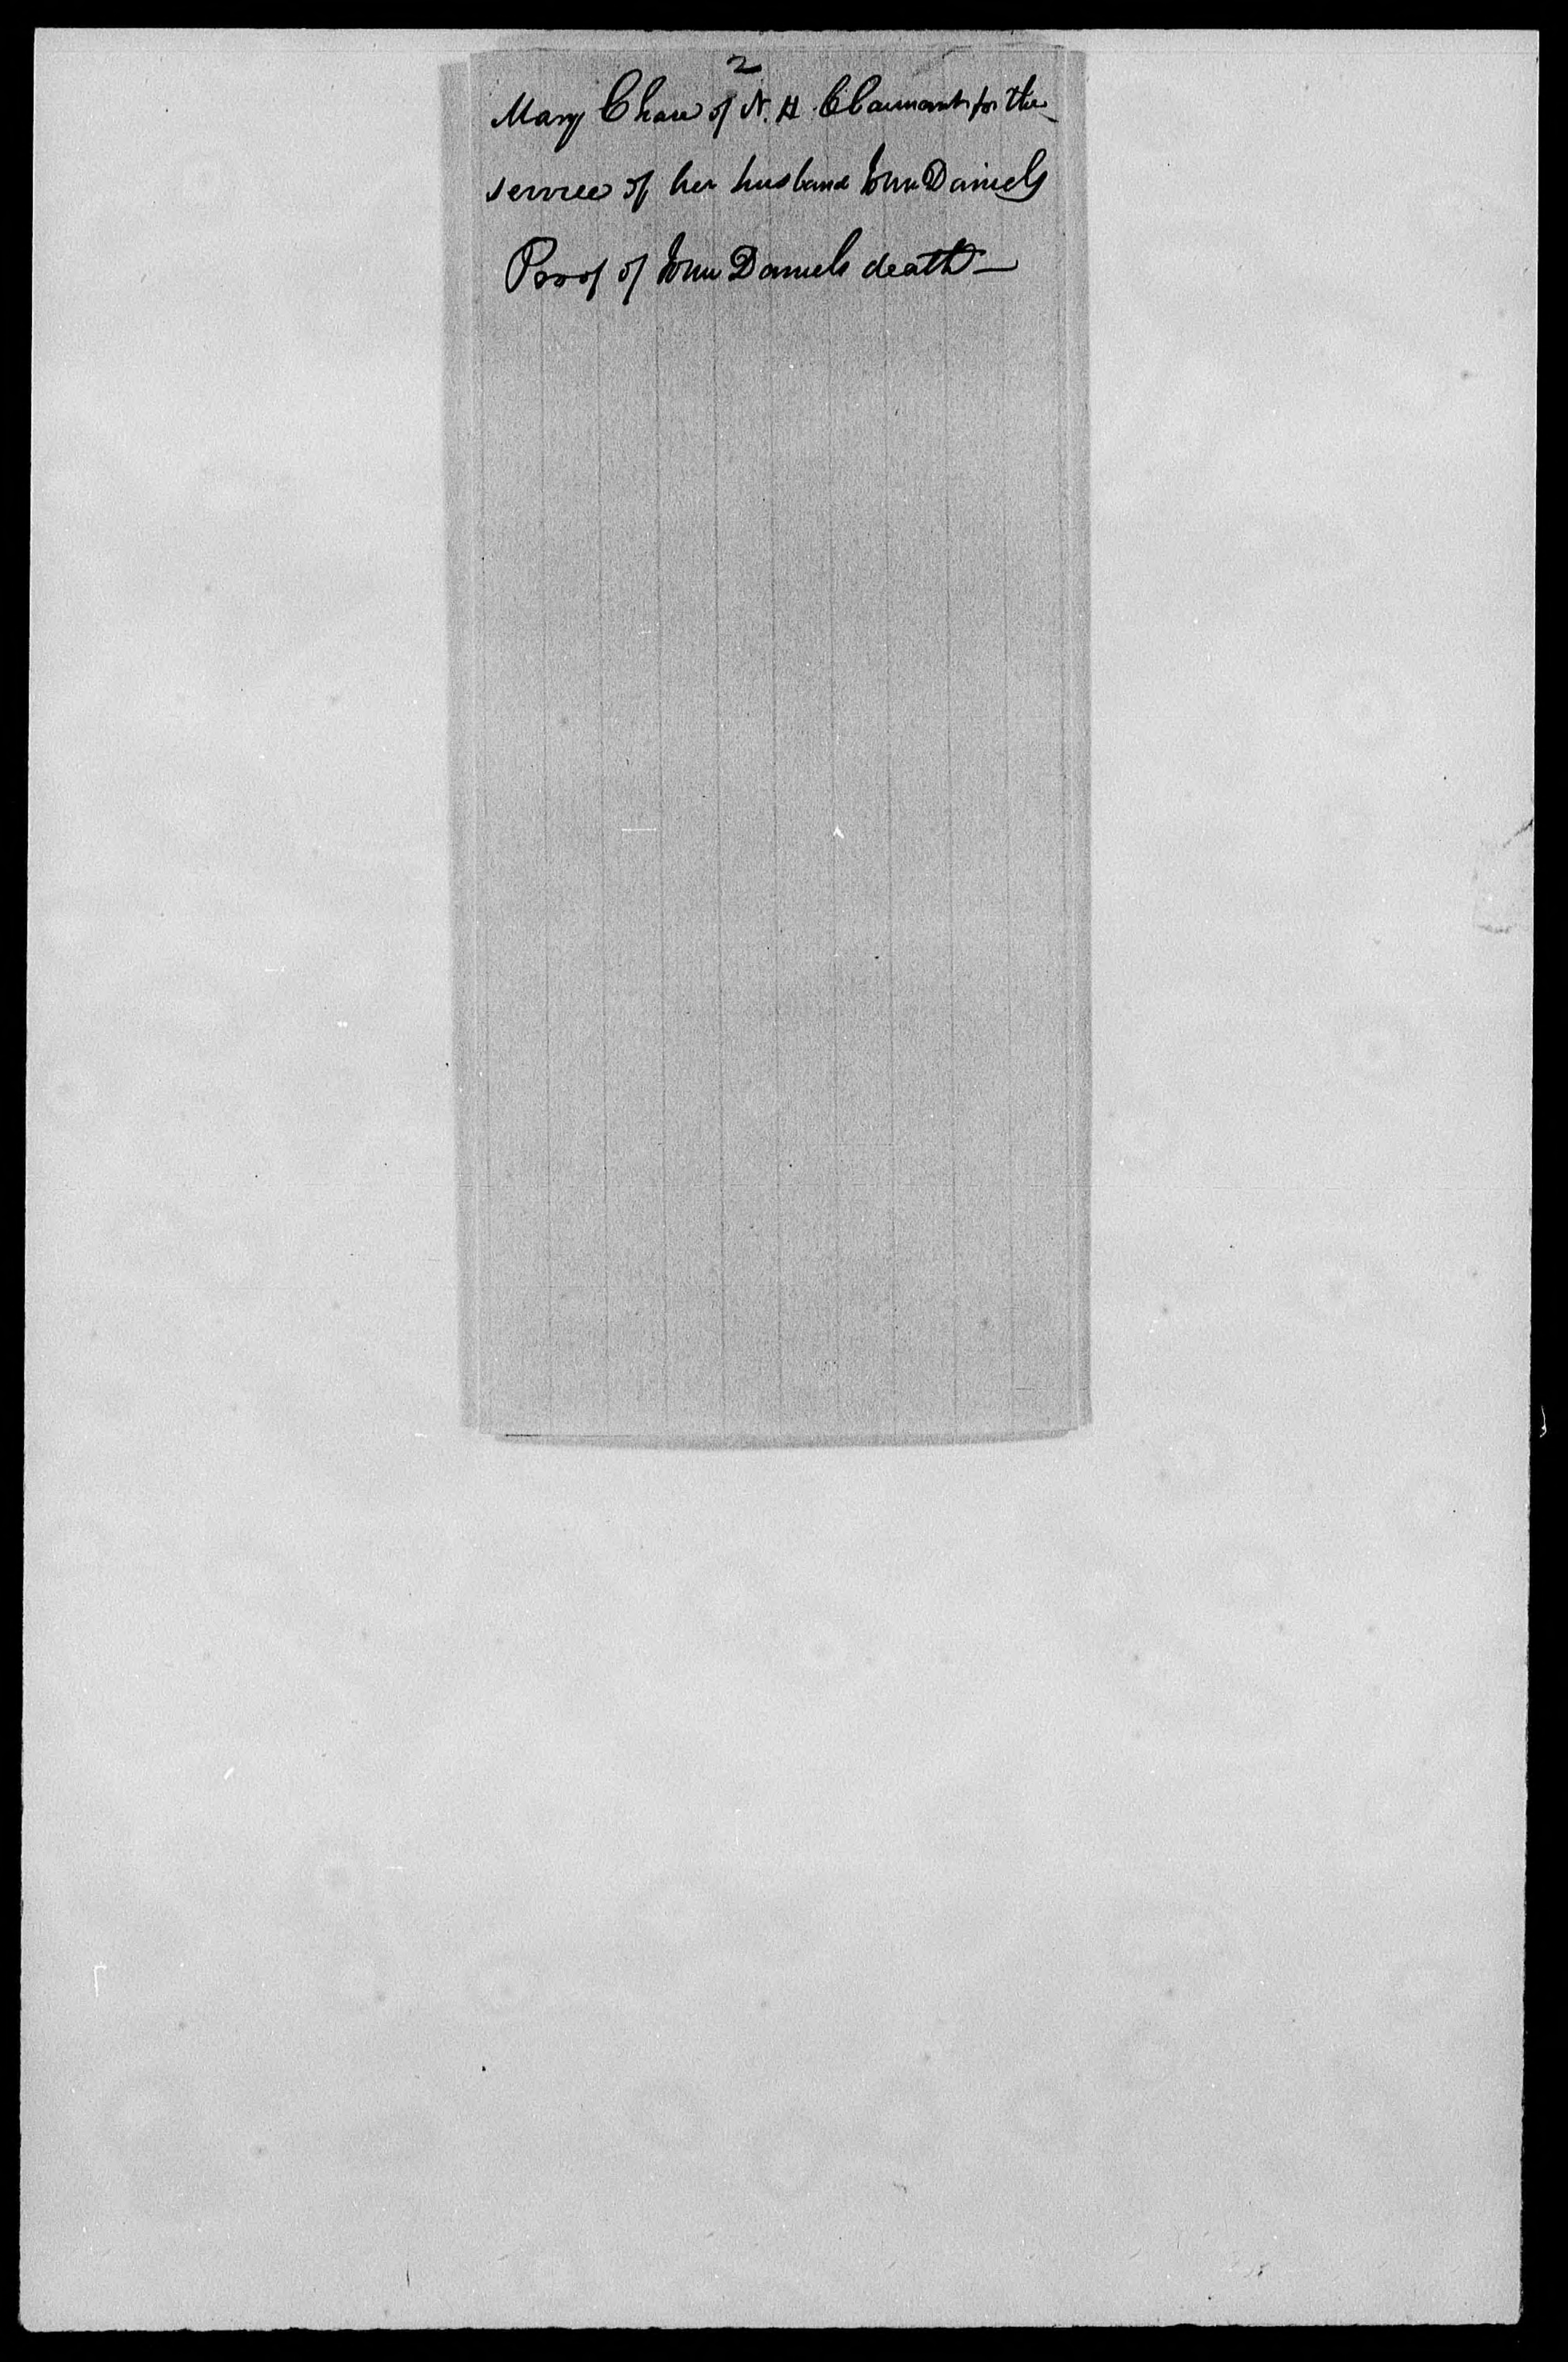2
Mary Chase of N.H. Claimant for the 
service of her husband John Daniels
Proof of John Daniels death--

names: Mary Chase, John Daniels, John Daniels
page: 22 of 43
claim: widow's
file: W 683, John Daniels, Continental Mass. N.H.